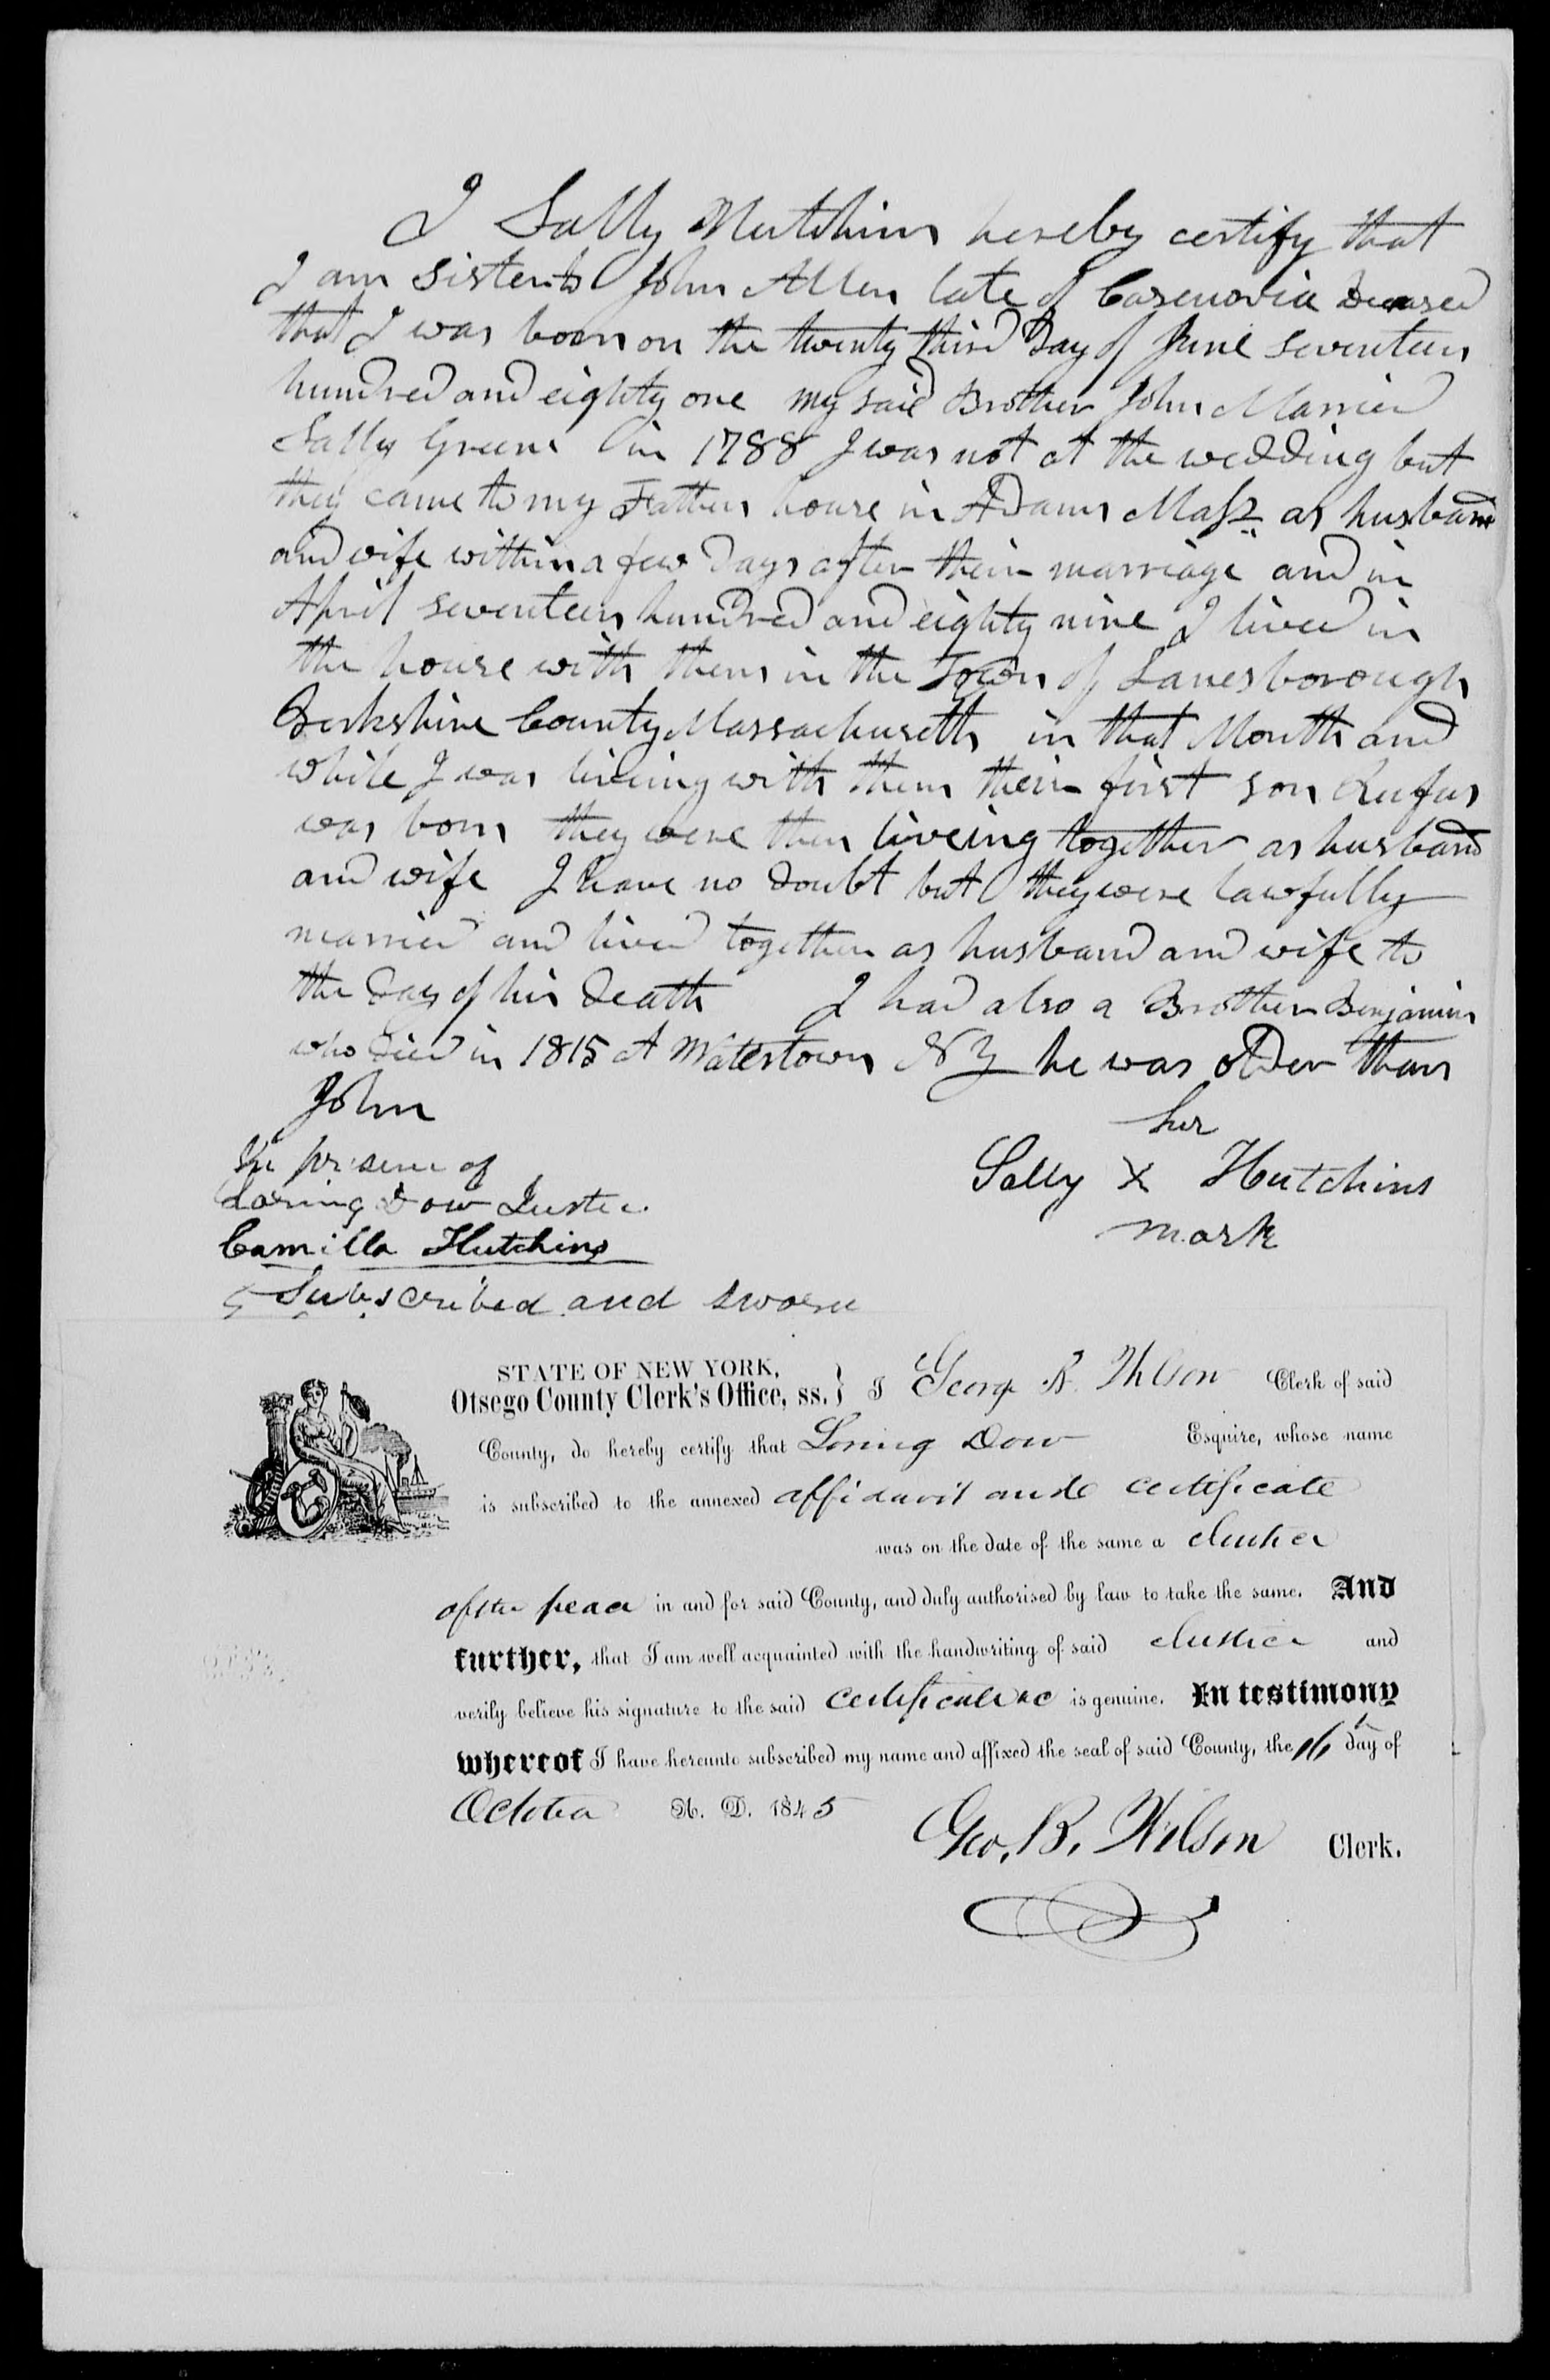I Sally Hutchins hereby certify that I am sister to John Allen late of Cazenovia deceased that I was born on the twenty third day of June seventeen hundred and eighty one my said Brother John Married Sally Greene in 1788 I was not at the wedding but they came to my Fathers house in Adams Mass as husband and wife within a few days after their marriage and in April seventeen hundred and eighty nine I lived in the house with them in the town of Lanesborough Berkshire County Massachusetts in that month and while I was living with them their first son Rufus was born They were then living together as husband and wife I have no doubt but they were lawfully married and lived together as husband and wife to the day of his death I had also a Brother Benjamin who died in 1815 at Watertown NY he was older than John
Sally Hutchins
Her mark X [signature]
In presence of Loring Dow Justice 
Camilla Hutchins 
Subscribed and sworn 
STATE OF NEW YORK, Otsego County Clerk's Office, ss, } George B. Wilson Clerk of said County, do hereby certify that Loring Dow Esquire, whose name is subscribed to the annexed affidavit and certificate was of the date of the same a Justice of the peace in and for said County, and duly authorised by law to take the same. And further, that I am well acquainted with the handwriting of said Justice and verily believe his signature to the said Certificate is genuine. In testimony whereof I have hereunto subscribed my name and affixed the seal of said County, the 16 of October A.D. 1845 Geo. B. Wilson Clerk.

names: Benjamin, Sally Greene, Rufus, Loring Dow, George B Wilson, Loring Dow, Sally Hutchins, Sally Hutchins, John, Camilla Hutchins, John Allen, Geo B Wilson, John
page: 19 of 74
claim: widow's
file: W. 23424, John Allen, Mass. R. I.